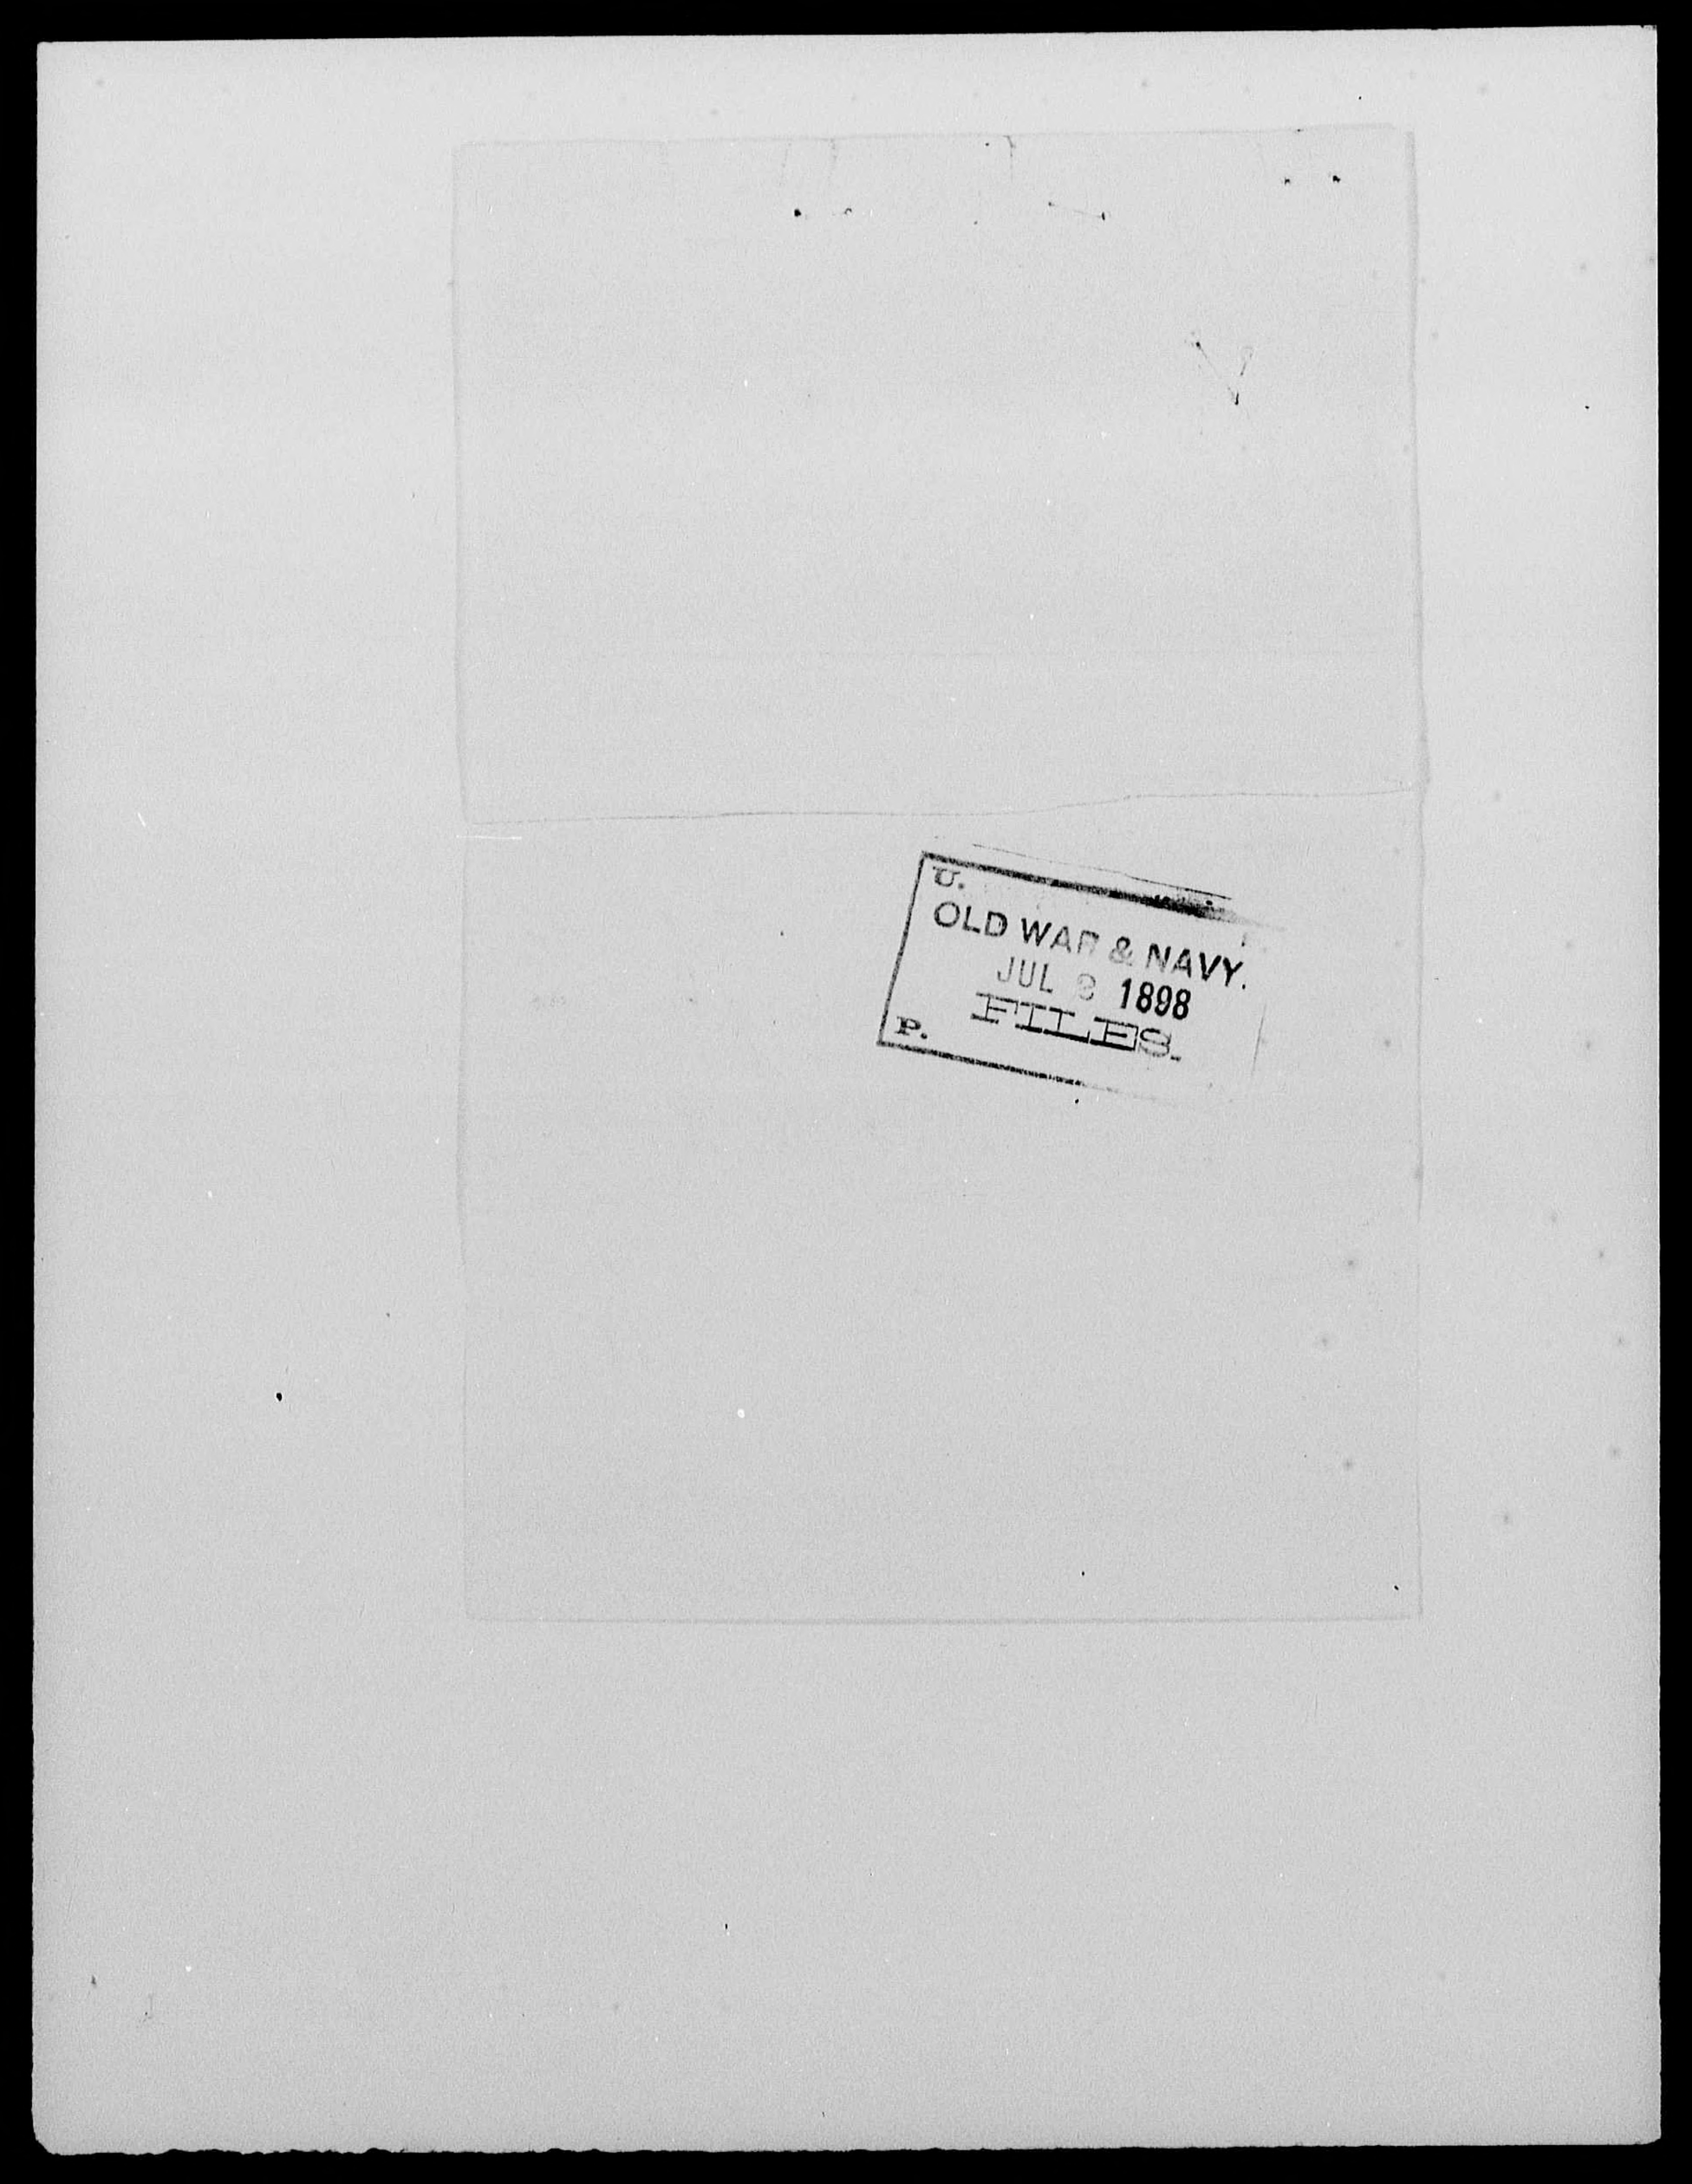[stamp]
U. P.
OLD WAR & NAVY.
JUL 2 1898
FILES.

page: 72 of 83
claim: widow's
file: W. 5946, John Brandon, Penn